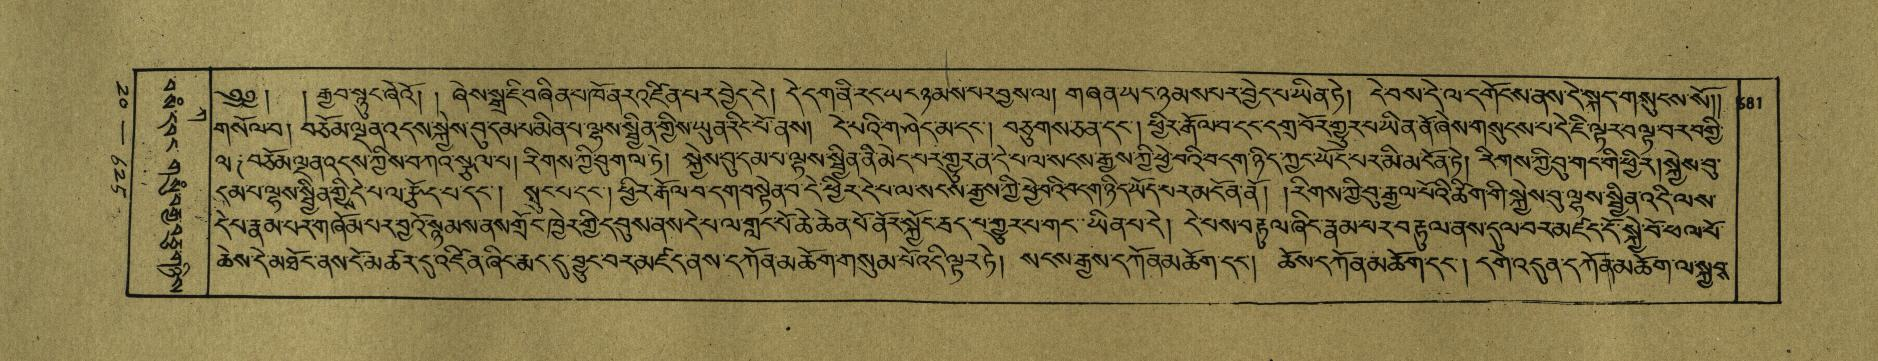༄༅། །རྒྱབ་སྙུང་ཞེའོ། །ཞེས་སྒྲ་ཇི་བཞིན་པ་ཁོ་ནར་འཛིན་པར་བྱེད་དེ། དེ་དག་ནི་རང་ཡང་ཉམས་པར་བྱས་ལ། གཞན་ཡང་ཉམས་པར་བྱེད་པ་ཡིན་ཏེ། དེ་བས་དེ་ལ་དགོངས་ནས་དེ་སྐད་གསུངས་སོ།།
གསོལ་བ། བཅོམ་ལྡན་འདས་སྐྱེས་བུ་དམ་པ་མིན་པ་ལྷས་སྦྱིན་གྱིས་ཡུན་རིང་པོ་ནས། དེ་པའི་གཤེད་མ་དང་། བཅུགས་ཅན་དང་། ཕྱིར་རྒོལ་བ་དང་དགྲ་བོར་གྱུར་པ་ཡིན་ནོ་ཞེས་གསུངས་པ་དེ་ཇི་ལྟར་བལྟ་བར་བགྱི་
ལ༑ བཅོམ་ལྡན་འདས་ཀྱིས་བཀའ་སྩལ་པ། རིགས་ཀྱི་བུ་གལ་ཏེ། སྐྱེས་བུ་དམ་པ་ལྟས་སྦྱིན་ནི་མེད་པར་གྱུར་ན་དེ་པ་ལ་སངས་རྒྱས་ཀྱི་ཕྱེ་བའི་བདག་ཉིད་ཀྱང་ཡོང་པར་མི་མངོན་ཏེ། རིགས་ཀྱི་བུ་གང་གི་ཕྱིར། སྐྱེས་བུ་
དམ་པ་ལྷས་སྦྱིན་གྱིས་དེ་པ་ལ་རྩོད་པ་དང་། སྦུང་པ་དང་། ཕྱིར་རྒོལ་བ་དག་བསྟེན་པ་དེ་ཕྱིར་དེ་པ་ལ་སངས་རྒྱས་ཀྱི་ཕྱེ་བའི་བདག་ཉིད་ཡོད་པར་མངོན་ནོ། །རིགས་ཀྱི་བུ་རྒྱལ་པོའི་ཚིག་གི་སྐྱེས་བུ་ལྷས་སྦྱིན་འདི་ལས་
དེ་པ་རྣམ་པར་གཞོམ་པར་བྱའོ་སྙམས་ནས་གྲོང་ཁྱེར་གྱི་དབུས་ནས་དེ་པ་ལ་གླང་པོ་ཆེ་ཆེན་པོ་ནོར་སྐྱོང་རྦད་པ་གྱུར་པ་གང་ཡིན་པ་དེ། དེ་པས་བརྟུལ་ཞིང་རྣམ་པར་བརྟུལ་ནས་དུལ་བར་མཛད་དོ་སྐྱེ་བོ་ཕལ་པོ་
ཆེས་དེ་མཐོང་ནས་ངོ་མཚར་དུ་འཛིན་ཞིང་རྨང་དུ་བྱུང་བར་མཛད་ནས་དཀོན་མཆོག་གསུམ་པོ་འདི་ལྟར་ཏེ། སངས་རྒྱས་དཀོན་མཆོག་དང་། ཆོས་དཀོན་མཆོག་དང་། དགེ་འདུན་དཀོན་མཆོག་ལ་སྐྱབས་